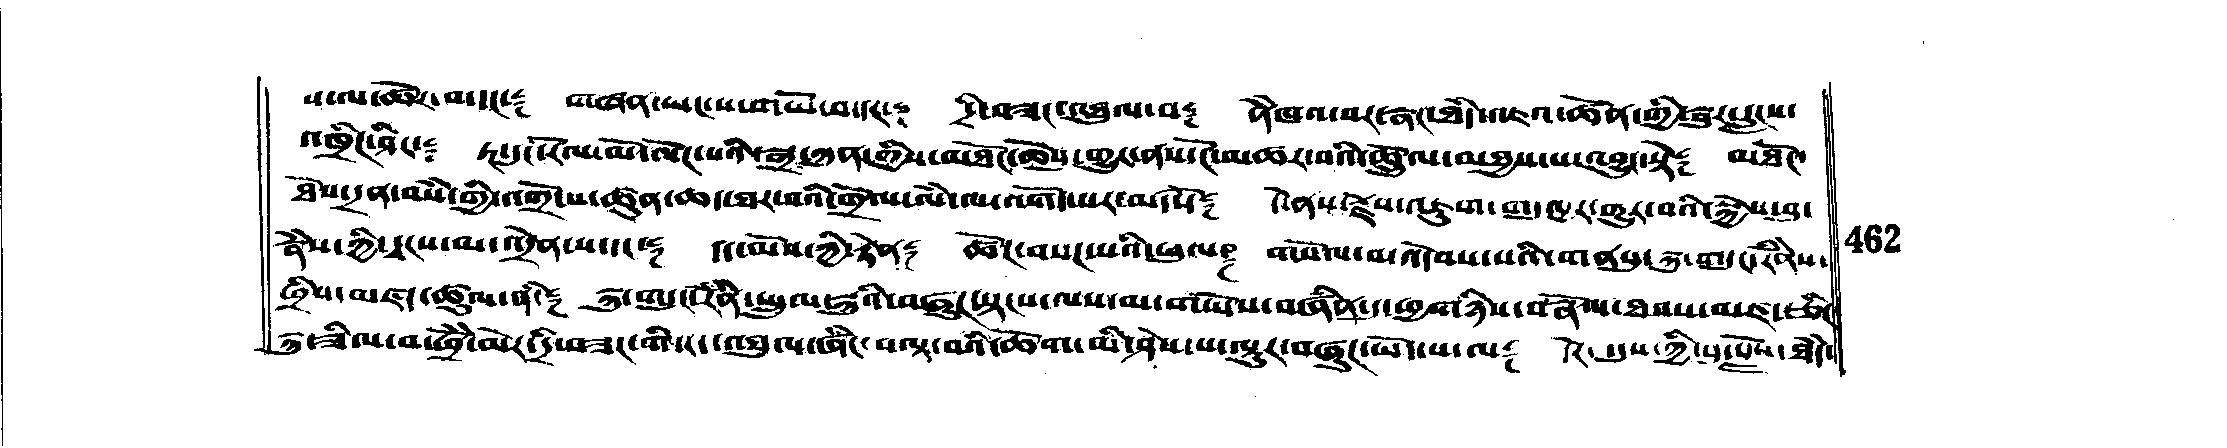ས་ལ་ཚེར་བ་དང་། གཞན་ཡང་ས་གཡོ་བ་དང་། དྲི་བཟང་འཐུལ་བ། ནམ་འཁའ་བར་སྣང་ཐམས་ཅད་འཇའ་ཚོན་གྱི་སྦུར་རླངས་
འཁྲིགས་ཤིང་།རྔ་དུང་རོལ་མོ་ལ་སོགས་པའི་སྒྲ་ཀུན་གྱིས་མཐོང་ཆོས་སུ་གྱུར་ནས་ངོ་མཚར་བའི་ཆོ་འཕྲུལ་མཐའ་ཡས་པ་བྱུང་སྟེ། མཐོང་
ཐོས་དྲན་བསམ་གྱི་འགྲོ་བ་ཚུན་ཆད་ཐར་པའི་གྲོལ་ལམ་ལ་འགོད་པར་མཛད། དེ་ནས་རྗེས་འཇུག་གདུལ་བྱར་གྱུར་པའི་སྐྱེས་བུ་
རྣམས་ཀྱི་དང་བ་འདྲེན་པ་དང་། དད་མོས་ཀྱི་རྟེན། ཚོགས་བསགས་པའི་ཡུལ། གསོལ་བ་འདེབས་པའི་གནས་སུ་སྐུ་གདུང་རིན་པོ་ཆེས་
ཕྲིན་ལས་མཛད་ཚུལ་ནི། སྐུ་གདུང་རིན་པོ་ཆེན་པོ་ཆེ་སྤྲུལ་སྐུའི་བཞུགས་སྟངས་ལས་མ་གཡོས་བཞིན་དུ་ཕྱག་གཉིས་བསྣོལ་ཐབས་མཛད་ཅིང་
སྐུ་ཟིལ་པ་ཕྲོམ་མེར་དྲི་བཟང་གི་ངད་འཐུལ་ཞིང་བལྟ་བའི་ཆོག་མི་ཤེས་པ་ལྟ་བུར་བཞུགས་ཡོད་པ་ལ། དེར་འདུས་ཀྱི་བུ་སློབ་ཐམས་ཅད་